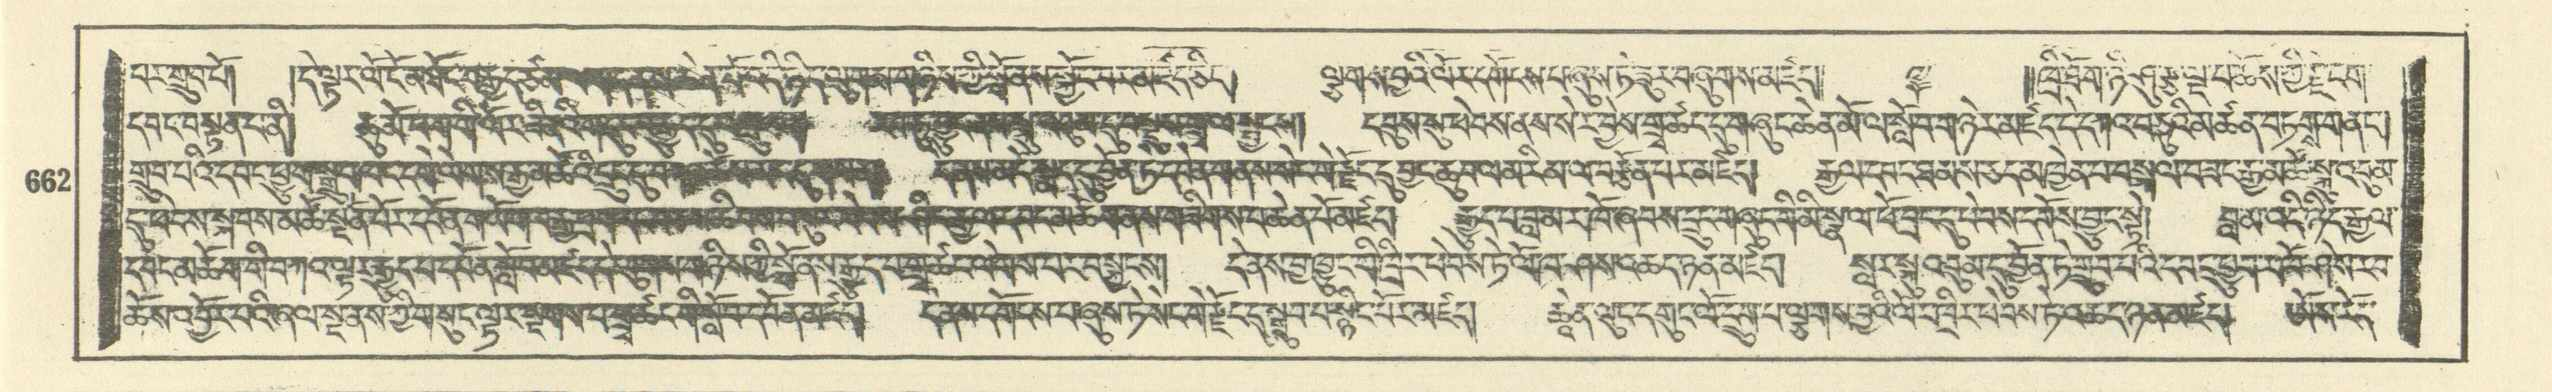པར་གྲུབ་བོ། །དེ་ལྟར་ལོ་ངོ་མཐོང་བརྒྱད་ཙམ་ལ་གདན་ས་ཆེན་པོ་འདི་ཉིད་ལུགས་གཉིས་ཀྱི་སྒོ་ནས་སྐྱོང་བར་མཛད་ཅིང་། ལྕགས་བྱའི་ལོར་དགོངས་པ་ཞུས་ཏེ་ཟུར་བཞུགས་མཛད།། ༈ །།ཁྲི་ཐོག་ཉི་ཤུ་རྩ་ལྔ་པ་ཆོས་ཀྱི་རྗེ་ངག་
དབང་བསྟན་པ་ནི། ཆུ་མོ་ཕག་གི་ལོར་ཟི་ནའི་གདུང་བརྒྱུད་དུ་འཁྲུངས། རབ་ཏུ་བྱུང་ནས་སྐུ་འབུམ་དུ་བསྡུས་གྲྭ་ལ་སྦྱངས། དབུས་སུ་ཕེབས་ནས་སེ་ར་བྱེས་གྲྭ་ཚང་དུ་གཞུང་ཆེན་མོ་ལ་སློབ་གཉེར་མཛད་དེ་དཀའ་བཅུའི་མཚན་བཏགས་གནང་།
གྲུབ་པའི་དབང་ཕྱུག་སྒྲུབ་ཕང་དགེ་ལེགས་རྒྱ་མཚོའི་དྲུང་དུ་བཀའ་ཆོས་མང་དུ་གསན། དེ་ནས་མདོ་སྨད་དུ་བྱོན་ཏེ་དབེན་གནས་སེང་གེ་རྫོང་དུ་བྱང་ཆུབ་ལམ་རིམ་ལ་བརྩོན་པར་མཛད། རྒྱལ་དབང་ཐམས་ཅད་མཁྱེན་པ་བསྐལ་བཟང་རྒྱ་མཚོ་སྐུ་འབུམ་
དུ་ཕེབས་སྐབས་མཚོ་སྔོན་པོར་དཔོན་གཡོག་བརྒྱ་ཕྲག་དང་བཅས་ཆིབས་བསུར་ཕེབས་ཤིང་རྒྱལ་དབང་མཆོག་ནས་གཟིགས་པ་ཆེན་པོ་མཛད། རྒྱུད་པ་བླ་མར་ཁོ་ཞབས་དྲུང་གཞུང་གི་མི་སྣ་ལ་ཕོ་བྲང་དུ་ཕེབས་དགོས་བྱུང་སྟེ། བླ་མ་འདི་ཉིད་རྒྱལ་
དབང་མཆོག་གི་བཀའ་ལྟར་རྒྱུད་པ་དཔོན་སློབ་མཛད་དེ་ལུགས་གཉིས་ཀྱི་སྒོ་ནས་རྒྱུད་པ་གྲྭ་ཚང་ལེགས་པར་བསྐྱངས། དེ་ནས་བྱ་ཁྱུང་གི་ཁྲིར་ཕེབས་ཏེ་ལོ་ཁ་ཤས་འཆད་ཉན་མཛད། སླར་སྐུ་འབུམ་དུ་བྱོན་ཏེ་གྲུབ་པའི་དབང་ཕྱུག་ར་ཁོ་ཤེས་རབ་
ཆོས་འབྱོར་པའི་ཞལ་སྔ་ནས་ཀྱི་གསུང་ལྟར་སྔགས་པ་གྲྭ་ཚང་གི་སློབ་དཔོན་མཛད། དེ་ནས་དགོངས་པ་ཞུས་ཏེ་སེང་གེ་རྫོང་དུ་སྒྲུབ་པ་སྙིང་པོར་མཛད། ཆEན་ལུང་དགུང་ལོ་དྲུག་པ་ལྕགས་བྱའི་ལོར་ཁྲིར་ཕེབས་ཏེ་འཆད་ཉན་མཛད། ཨོས་རོད་